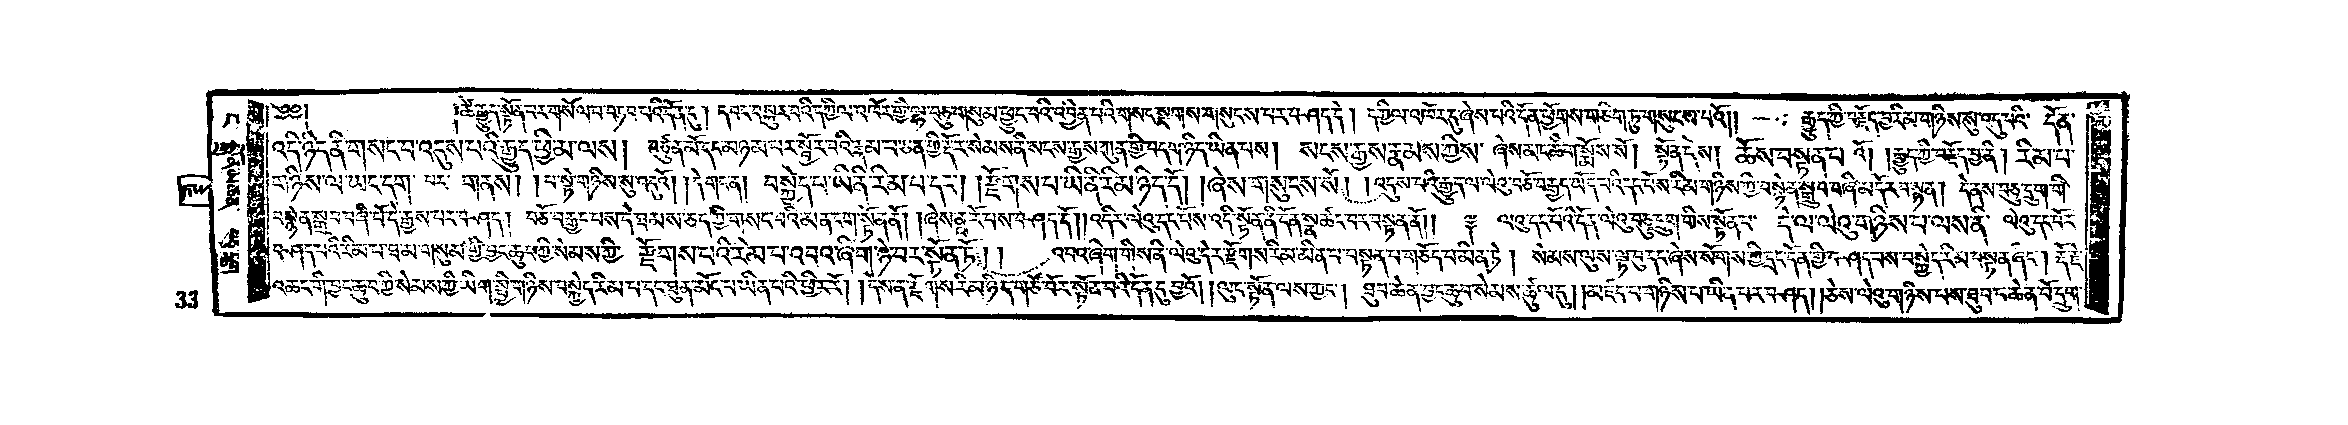༄༅། ། ཚེ་རྒྱུད་སྟོན་པར་གསོལ་བ་བཏབ་པའི་དོན་དུ། དབང་བསྐུར་བའི་དཀྱིལ་འཁོར་གྱི་ལྷ་བཅུ་གསུམ་ཕྱུང་བའི་འབྱིན་པའི་གསང་སྔགས་གསུངས་པར་བཤད་དེ། དཀྱིལ་འཁོར་དུ་ཞེས་པའི་དོན་ཕྱོགས་གཅིག་ཏུ་གསུངས་པའོ།། .Hརྒྱུད་ཀྱི་བརྗོད་བྱ་རིམ་གཉིས་སུ་འདུ་པའི་དོན་
འདི་ཉིད་ནི་གསང་བ་འདུས་པའི་རྒྱུད་ཕྱི་མ་ལས། བཙུན་མོ་དང་མཉམ་པར་སྦྱོར་བའི་རྣམ་པ་ཅན་གྱི་རྡོར་སེམས་ནི་སངས་རྒྱས་ཀུན་གྱི་བདག་ཉིད་ཡིན་པས།  སངས་རྒྱས་རྣམས་ཀྱིས་ཞེས་མང་ཚིག་སྨོས་སོ། སྟོན་དེས།  ཆོས་བསྟན་པའོ། ། རྒྱུད་ཀྱི་བརྗོད་བྱ་ནི།  རིམ་པ་
གཉིས་ལ་ཡང་དག་པར་གནས། ། པ་སྟེ་གཉིས་སུ་འདུའོ། །དེ་གང་ན།  བསྐྱེད་པ་ཡི་ནི་རིམ་པ་དང་། །རྫོགས་པ་ཡི་ནི་རིམ་ཉིད་དོ། །ཞེས་གསུངས་སོ། །འདུས་པའི་རྒྱུད་ལ་ལེའུ་བཅོ་བརྒྱད་ཡོད་པའི་དང་པོས་རིམ་གཉིས་ཀྱི་བསྙེན་སྒྲུབ་བཞི་མདོར་བསྟན། དེ་ནས་བཅུ་དྲུག་གི་
བསྙེན་སྒྲུབ་བཞི་པོ་དེ་རྒྱས་པར་བཤད། བཅོ་བརྒྱད་པས་དེ་ཐམས་ཅད་ཀྱི་གསང་བའི་མན་ངག་སྟོན་ནོ། །ཞེས་ནཱ་རོ་པས་བཤད་དོ། །འདིར་ལེའུ་དང་པོས་འདི་སྟོན་ནི་དོན་སྣ་ཚང་བར་བསྟན་ནོ།། ༈ ལེའུ་དང་པོའི་དོན་ལེའུ་བཅུ་དྲུག་གིས་སྟོན་པ་དེ་ལ་ལེའུ་གཉིས་པ་ལས་ནི་ལེའུ་དང་པོར་
བཤད་པའི་རིམ་པ་ཐ་མ་གསུམ་གྱི་བྱང་ཆུབ་ཀྱི་སེམས་ཀྱི་རྫོགས་པའི་རིམ་པ་འབའ་ཞིག་ཉེ་བར་སྟོན་ཏོ། །འབའ་ཞིག་གིས་ནི་ལེའུ་དེར་རྫོགས་རིམ་མིན་པ་བསྟན་པ་གཅོད་པ་མིན་ཏེ། སེམས་ལུས་ལྟ་བུ་དང་ཞེས་སོགས་ཀྱི་དྲང་དོན་གྱི་བཤད་པས་བསྐྱེད་རིམ་བསྟན་ཞིང་། རྡོ་རྗེ་
འཆང་གི་བྱང་ཆུབ་ཀྱི་སེམས་ཀྱི་ཡིག་སྤྱི་གཉིས་བསྐྱེད་རིམ་པ་དང་ཐུན་མོང་པ་ཡིན་པའི་ཕྱིར་རོ། །དེས་ན་རྫོགས་རིམ་ཉིད་གཙོ་བོར་སྟོན་པའི་དོན་དུ་བྱའོ། །ལུང་སྟོན་ལས་ཀྱང་། ཐུབ་ཆེན་བྱང་ཆུབ་སེམས་ཚུལ་དུ། །མཛད་པ་གཉིས་པ་ཡིན་པར་བཤད། །ཅེས་ལེའུ་གཉིས་པས་ཐུབ་པ་ཆེན་པོ་དྲུག་